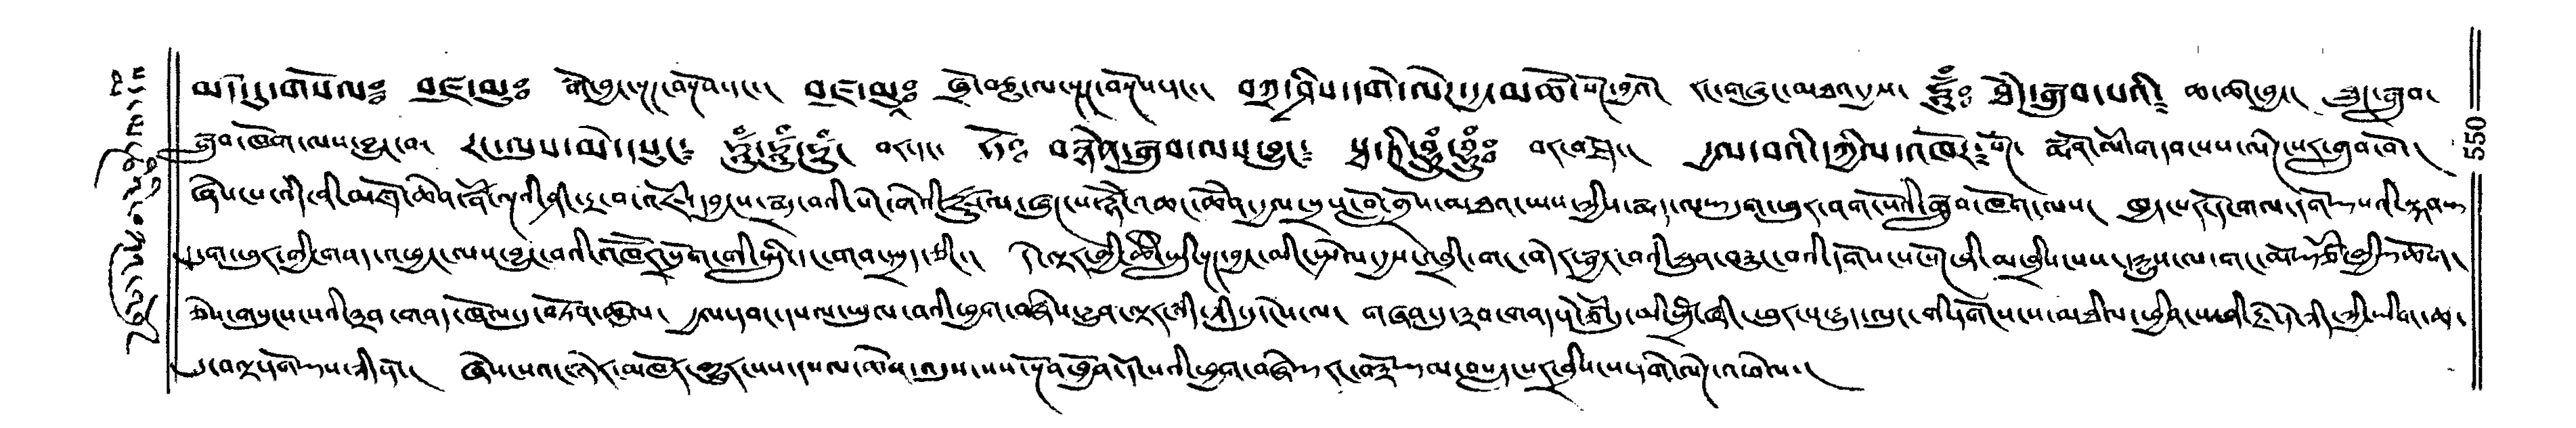མཛད་དུ་གསོལ༔ བཛྲ་མུཿ སྒོ་བྱང་སྔགས་བསྔོས་དང་། བཛྲ་མཱུཿ ཁྲོ་བཅུ་ལ་སྔགས་བསྔོས་དང་། བཀྲ་ཤིས་དགེ་ལེགས་རྒྱ་མཚོ༴ སོགས་བྱའོ། རང་གཞུང་མཐའ་རྒྱས། ཧཱུྃ༔ ཐམས་ཅད་སྒྲུབ་པའི༴ ཆ་ཚང་བྱ། ཐུགས་སྒྲུབ་
སྒྲུབ་ཁོག་ལས་བྱུང་བ། རང་ལུས་མེ་དཔུང༴ ཧཱུྃ་ཧཱུྃ་ཧཱུྃ༔ བར་དང་། ཧོཿ བསྙེན་སྒྲུབ་ལས་བྱུང༴ སྭ་ཏི་བྷྲུྃ་བྷྲུྃ༔ བར་བརྗོད། རྒྱལ་བའི་དཀྱིལ་འཁོར༴སོགས། སྨོན་ལམ་གདབ་པས་ལེགས་པར་གྲུབ་བོ། 
ཞེས་པ་འདི་ནི་མཛོད་ཆེན་རྣམ་ལྔའི་ཤིང་རྟ་བ་འཇམ་དབྱངས་སྨྲ་བའི་སེང་གེ་མེའི་རྫུ་ལ་ཞུགས་པ་རྡོ་རྗེ་འཆང་ཆེན་པོ་རྒྱལ་སྲས་བློ་གྲོས་མཐའ་ཡས་ཀྱིས་སྨད་ལས་དུག་ཕུར་ནག་པོའི་སྒྲུབ་ཁོག་ལས། ཁྱད་པར་དོ་གལ་དགོས་པའི་སྐབས་
དུག་ཕུར་གྱི་གནད་འཕྱང་ལས་བྱུང་བའི་འཁོར་ལོ་སྲོག་གི་སྤུ་གྲི་དང་གབ་སྤྲད་ཅིང་། དེ་ལྟར་བགྱི་ཚེ་སྤུ་གྲི་སྔགས་བྱང་མའི་སྤེལ་རྒྱས་འབྲིང་གང་བདེར་སྦྱར་བའི་ཐུན་གཟུང་བའི་དགོས་པ་སོགས་ནི་མ་བྲིས་པས་དཀྱུས་ལ་གང་མོས་ཙམ་གྱིས་ཆོག་
ཅེས་གསུངས་པའི་ཟབ་གནད་ཁོལ་དུ་བཏོན་ཚུལ། རྒྱལ་དབང་དཔལ་ཡུལ་བའི་ཕྱག་བཞེས་རྒྱུན་ལྟར་འདི་ཉིད་དུ་ངེས་ལ། གཞན་དུ་ཟབ་གནད་དེ་ཙམ་དུ་མི་སྤྲོ་ཞིང་ཕུར་པ་རྒྱུད་ལུང་གི་དགོངས་པ་མཐིལ་ཕྱིན་པ་ནི་རྗེ་དེ་ཉིད་ཀྱི་ཡིག་ཆར་
དུ་བལྟ་དགོས་པ་ཉིད་དོ། །ཞེས་པའང་ཉེར་མཁོར་གྱུར་པས་དཔལ་ཆེན་འདུས་པས་སྔོན་བྱོན་དམ་པའི་ཕྱག་བཞེས་རང་བཟོས་མ་བསླད་པར་བྲིས་པ་དགེ་ལེགས་འཕེལ།